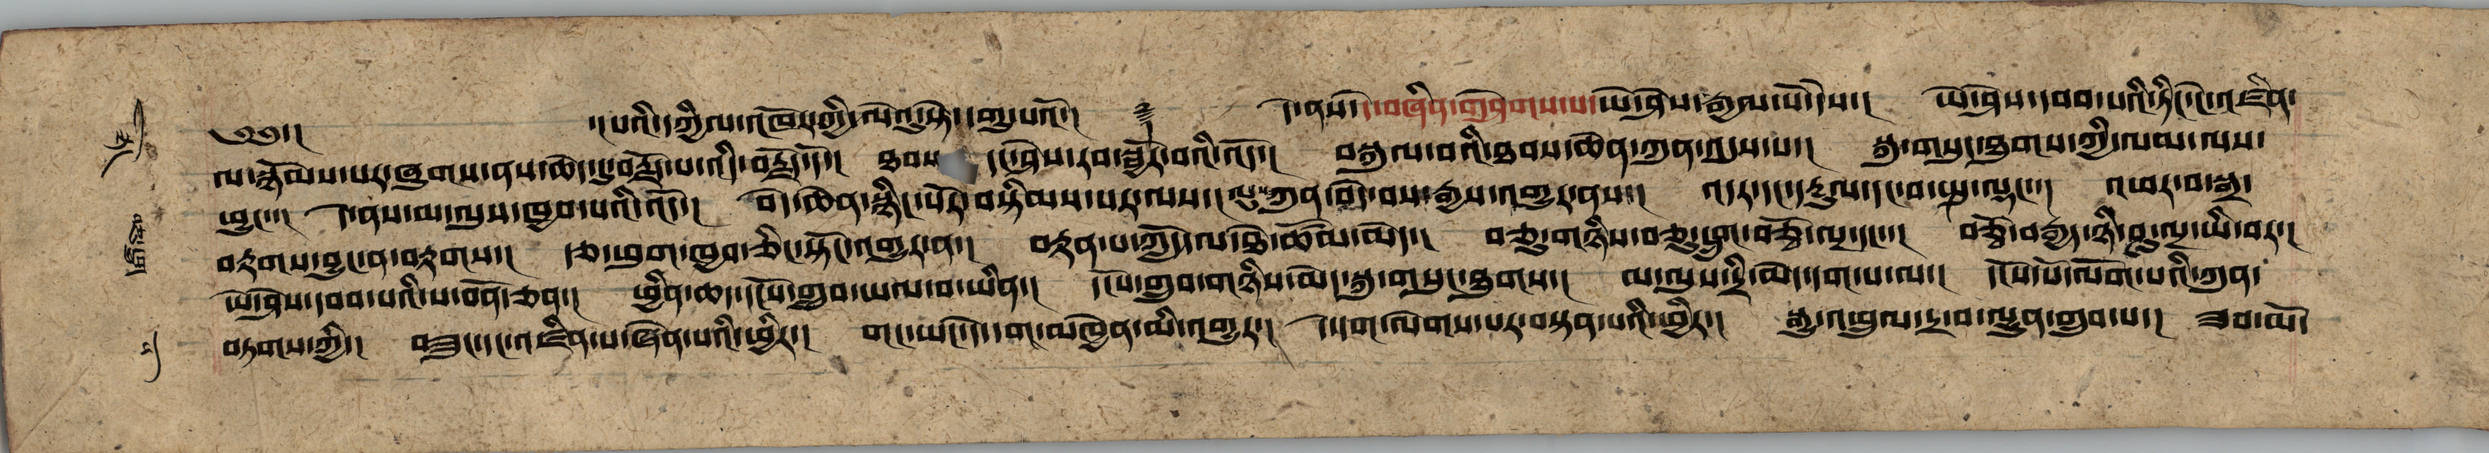༄༅་། ་།པའི་དཀྱིལ་འཁོར་གྱི་ལེའུ་སྟེ་དགུ་པའོ་། ࿑ དེ་ནས་དེ་བཞིན་གཤེགས་པ་ཡེ་ཤེས་རྒྱལ་པོ་དེས་། ཡེ་ཤེས་དབབ་པའི་ཏིང་ངེ་འཛིན་
ལ་སྙོམས་པར་ཞུགས་ནས་ཆེད་དུ་བརྗོད་པ་འདི་བརྗོད་དོ་། ཐབས་ དང་ཤེས་རབ་སྦྱོར་བའི་འོད་། བསྐུལ་བའི་ཐབས་ཆེན་ཀུན་འདུས་པ་། སྐུ་གསུང་ཐུགས་ཀྱི་ལམ་ལས་
ཕྱུང་་། དེ་ནས་མ་ལུས་ཁྱབ་པའི་འོད་། བདེ་ཆེན་སྙིང་པོར་བསྟིམས་པར་ལས་། ལུསཀུན་བདེ་བས་རྒྱས་འགྱུར་ནས་། འདར་དང་དརྔུལ་དང་བ་སྤུ་ལྡང་་། འཕར་བ་སྒྲ་
བརྟགས་བྱུང་ན་བརྟགས་། རྩ་ཕུག་ཁྱབ་ཅིང་སྟོང་འགྱུར་ན་། བརྟན་པ་ཀློད་ལ་ཐེ་ཚོམ་མེད་། བཅུ་གཉིས་བཅུ་དྲུག་བཅྭོ་ལྔ་དང་་། བཅྭོ་བརྒྱད་ཉི་ཤུ་ལྔ་ཡི་བར་།
ཡེ་ཤེས་དབབ་པའི་ས་བོན་ཅན་། ཕྱིན་ཆད་དངོས་གྲུབ་ཡལ་བ་ཡིན་། དངོས་གྲུབ་གཉིས་མེད་སྐུ་གསུང་ཐུགས་། མ་ལུས་དྲི་མེད་དག་པ་ལ་། དངོས་པོ་ལོག་པའི་ཀུན་
བཏགས་ཀྱི་། བཟུང་དང་འཛིན་པ་ཞེན་པའི་ཕྱིར་། གང་ཡང་དེ་དག་མཁྱེན་མི་འགྱུར་། དེ་དག་ལེགས་པར་བསྟན་པའི་ཕྱིར་། སྒྱུ་འཕྲུལ་དྲ་བ་ལྷུན་གྲུབ་པ་། ཟབ་མོ་